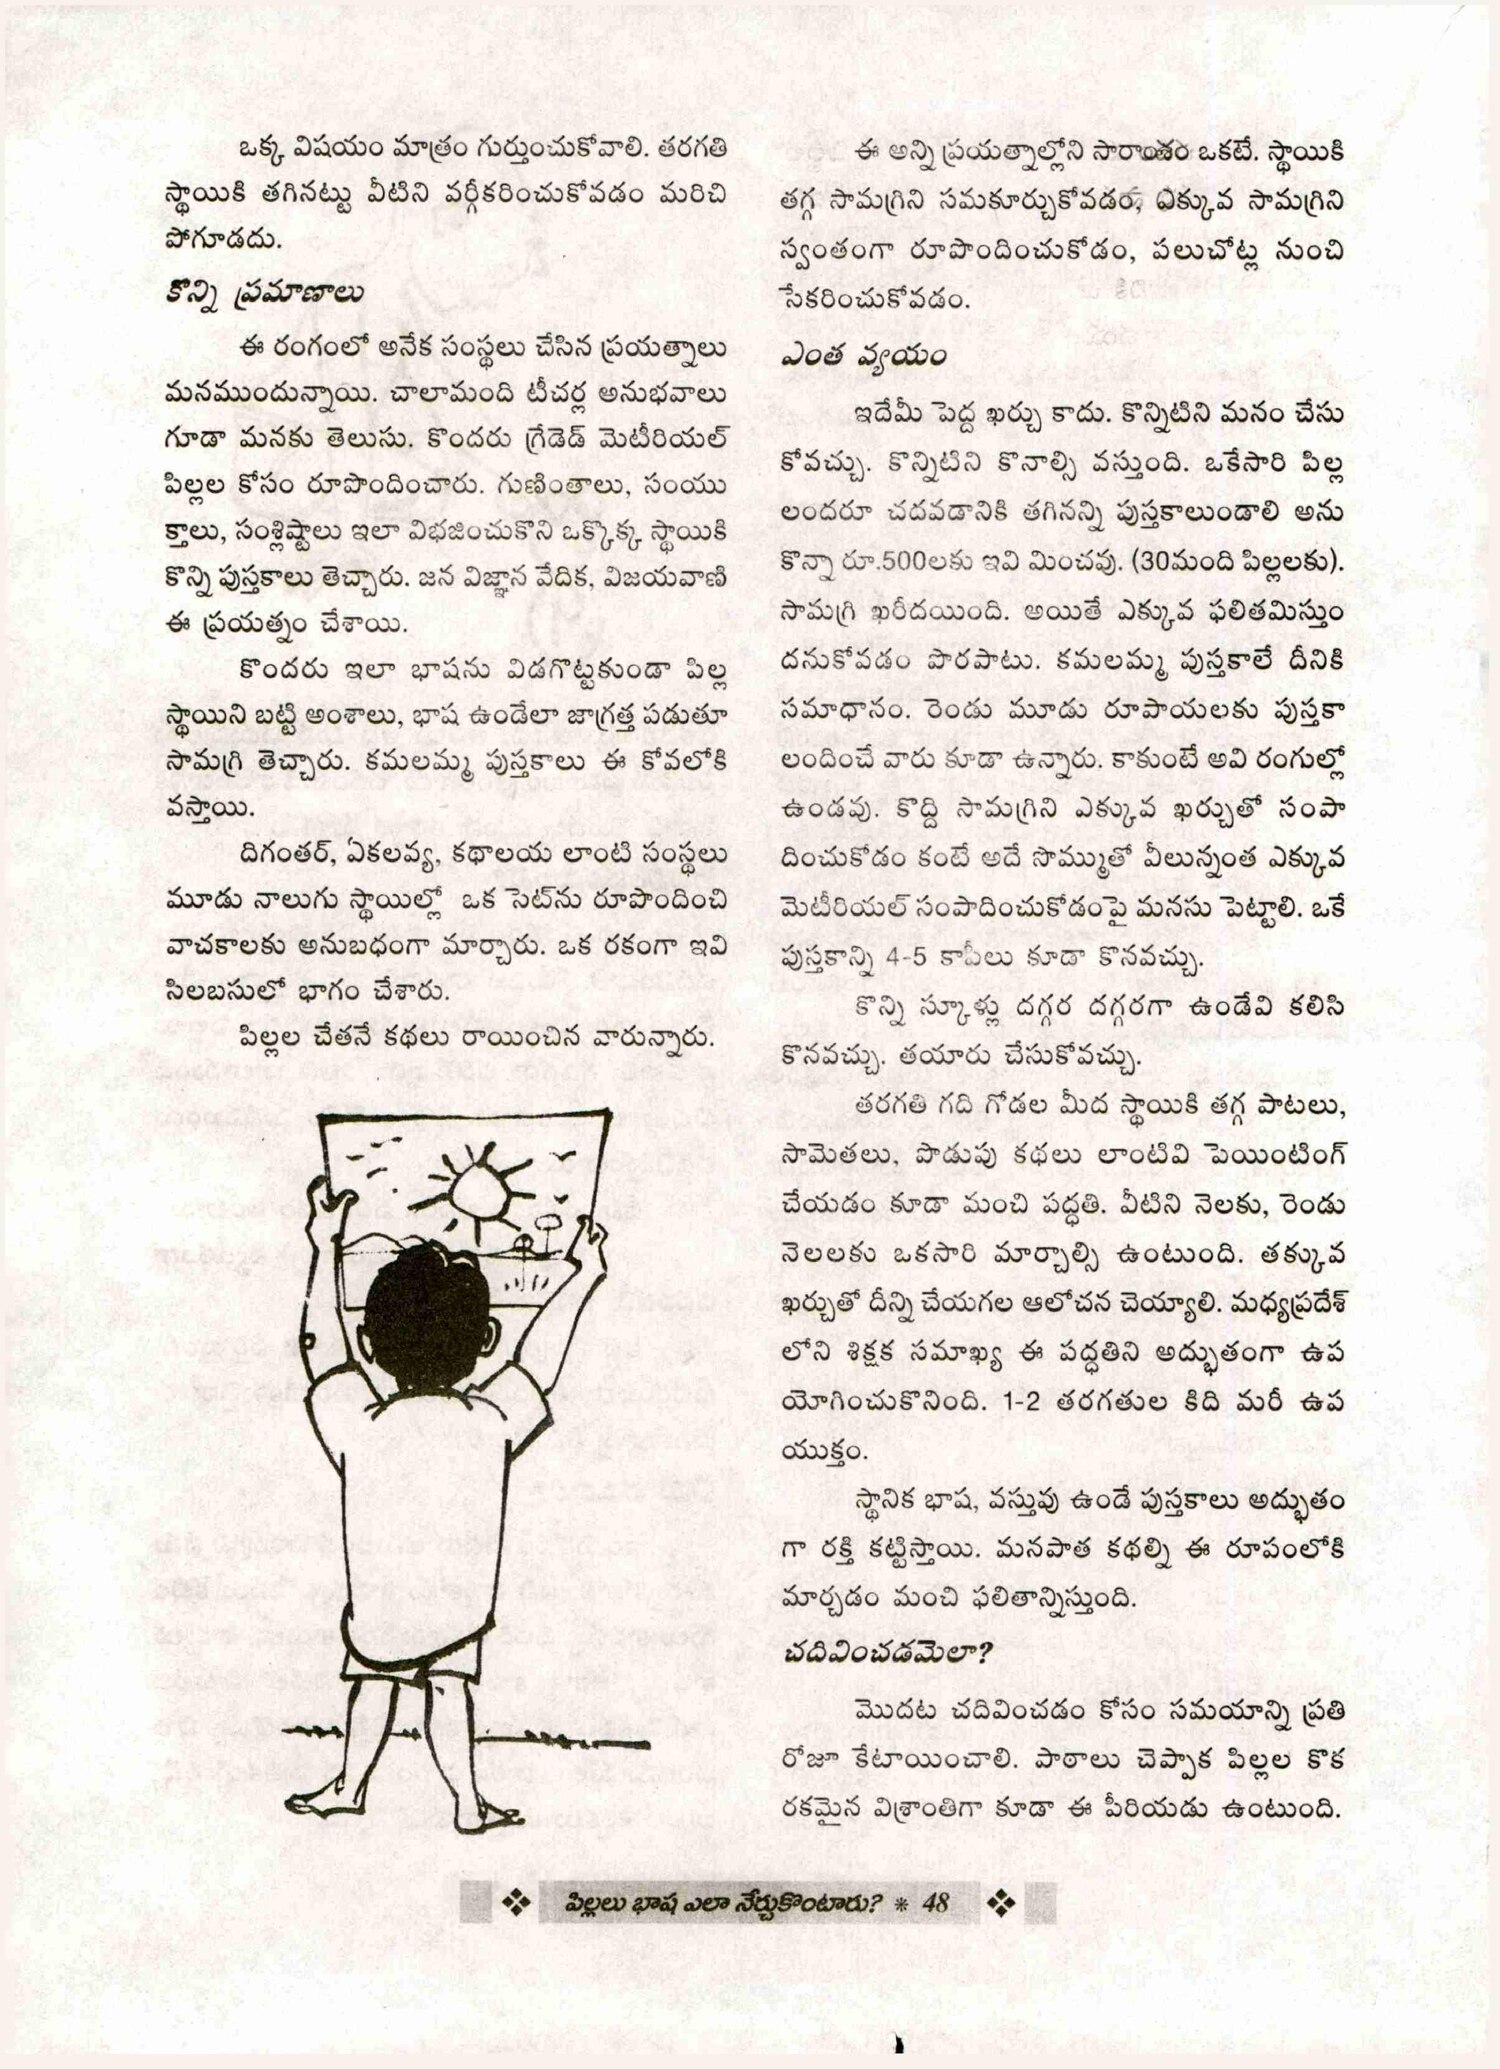ఒక్క విషయం మాత్రం గుర్తుంచుకోవాలి. తరగతి స్థాయికి తగినట్టు వీటిని వర్గీకరించుకోవడం మరిచి పోగూడదు.

కొన్ని ప్రమాణాలు

ఈ రంగంలో అనేక సంస్థలు చేసిన ప్రయత్నాలు మనముందున్నాయి. చాలామంది టీచర్ల అనుభవాలు గూడా మనకు తెలుసు. కొందరు గ్రేడెడ్ మెటీరియల్ పిల్లల కోసం రూపొందించారు. గుణింతాలు, సంయుక్తాలు, సంక్లిష్టాలు ఇలా విభజించుకొని ఒక్కొక్క స్థాయికి కొన్ని పుస్తకాలు తెచ్చారు. జన విజ్ఞాన వేదిక, విజయవాణి ఈ ప్రయత్నం చేశాయి.

కొందరు ఇలా భాషను విడగొట్టకుండా పిల్ల స్థాయిని బట్టి అంశాలు, భాష ఉండేలా జాగ్రత్త పడుతూ సామగ్రి తెచ్చారు. కమలమ్మ పుస్తకాలు ఈ కోవలోకి వస్తాయి.

దిగంతర్, ఏకలవ్య, కథాలయ లాంటి సంస్థలు మూడు నాలుగు స్థాయిల్లో ఒక సెట్‌ను రూపొందించి వాచకాలకు అనుబధంగా మార్చారు. ఒక రకంగా ఇవి సిలబసులో భాగం చేశారు.

పిల్లల చేతనే కథలు రాయించిన వారున్నారు. ఈ అన్ని ప్రయత్నాల్లోని సారాంశం ఒకటే. స్థాయికి తగ్గ సామగ్రిని సమకూర్చుకోవడం, ఎక్కువ సామగ్రిని స్వంతంగా రూపొందించుకోడం, పలుచోట్ల నుంచి సేకరించుకోవడం.

ఎంత వ్యయం

ఇదేమీ పెద్ద ఖర్చు కాదు. కొన్నిటిని మనం చేసుకోవచ్చు. కొన్నిటిని కొనాల్సి వస్తుంది. ఒకేసారి పిల్లలందరూ చదవడానికి తగినన్ని పుస్తకాలుండాలి అనుకొన్నా రూ.500లకు ఇవి మించవు. (30మంది పిల్లలకు). సామగ్రి ఖరీదయింది. అయితే ఎక్కువ ఫలితమిస్తుం దనుకోవడం పొరపాటు. కమలమ్మ పుస్తకాలే దీనికి సమాధానం. రెండు మూడు రూపాయలకు పుస్తకాలందించే వారు కూడా ఉన్నారు. కాకుంటే అవి రంగుల్లో ఉండవు. కొద్ది సామగ్రిని ఎక్కువ ఖర్చుతో సంపాదించుకోడం కంటే అదే సొమ్ముతో వీలున్నంత ఎక్కువ మెటీరియల్ సంపాదించుకోడంపై మనసు పెట్టాలి. ఒకే పుస్తకాన్ని 4 - 5 కాపీలు కూడా కొనవచ్చు.

కొన్ని స్కూళ్లు దగ్గర దగ్గరగా ఉండేవి కలిసి కొనవచ్చు. తయారు చేసుకోవచ్చు.

తరగతి గది గోడల మీద స్థాయికి తగ్గ పాటలు, సామెతలు, పొడుపు కథలు లాంటివి పెయింటింగ్ చేయడం కూడా మంచి పద్ధతి. వీటిని నెలకు, రెండు నెలలకు ఒకసారి మార్చాల్సి ఉంటుంది. తక్కువ ఖర్చుతో దీన్ని చేయగల ఆలోచన చెయ్యాలి. మధ్యప్రదేశ్‌లోని శిక్షక సమాఖ్య ఈ పద్ధతిని అద్భుతంగా ఉపయోగించుకొనింది. 1 - 2 తరగతుల కిది మరీ ఉపయుక్తం.

స్థానిక భాష, వస్తువు ఉండే పుస్తకాలు అద్భుతం గా రక్తి కట్టిస్తాయి. మనపాత కథల్ని ఈ రూపంలోకి మార్చడం మంచి ఫలితాన్నిస్తుంది.

చదివించడమెలా?

మొదట చదివించడం కోసం సమయాన్ని ప్రతిరోజూ కేటాయించాలి. పాఠాలు చెప్పాక పిల్లల కొక రకమైన విశ్రాంతిగా కూడా ఈ పీరియడు ఉంటుంది.